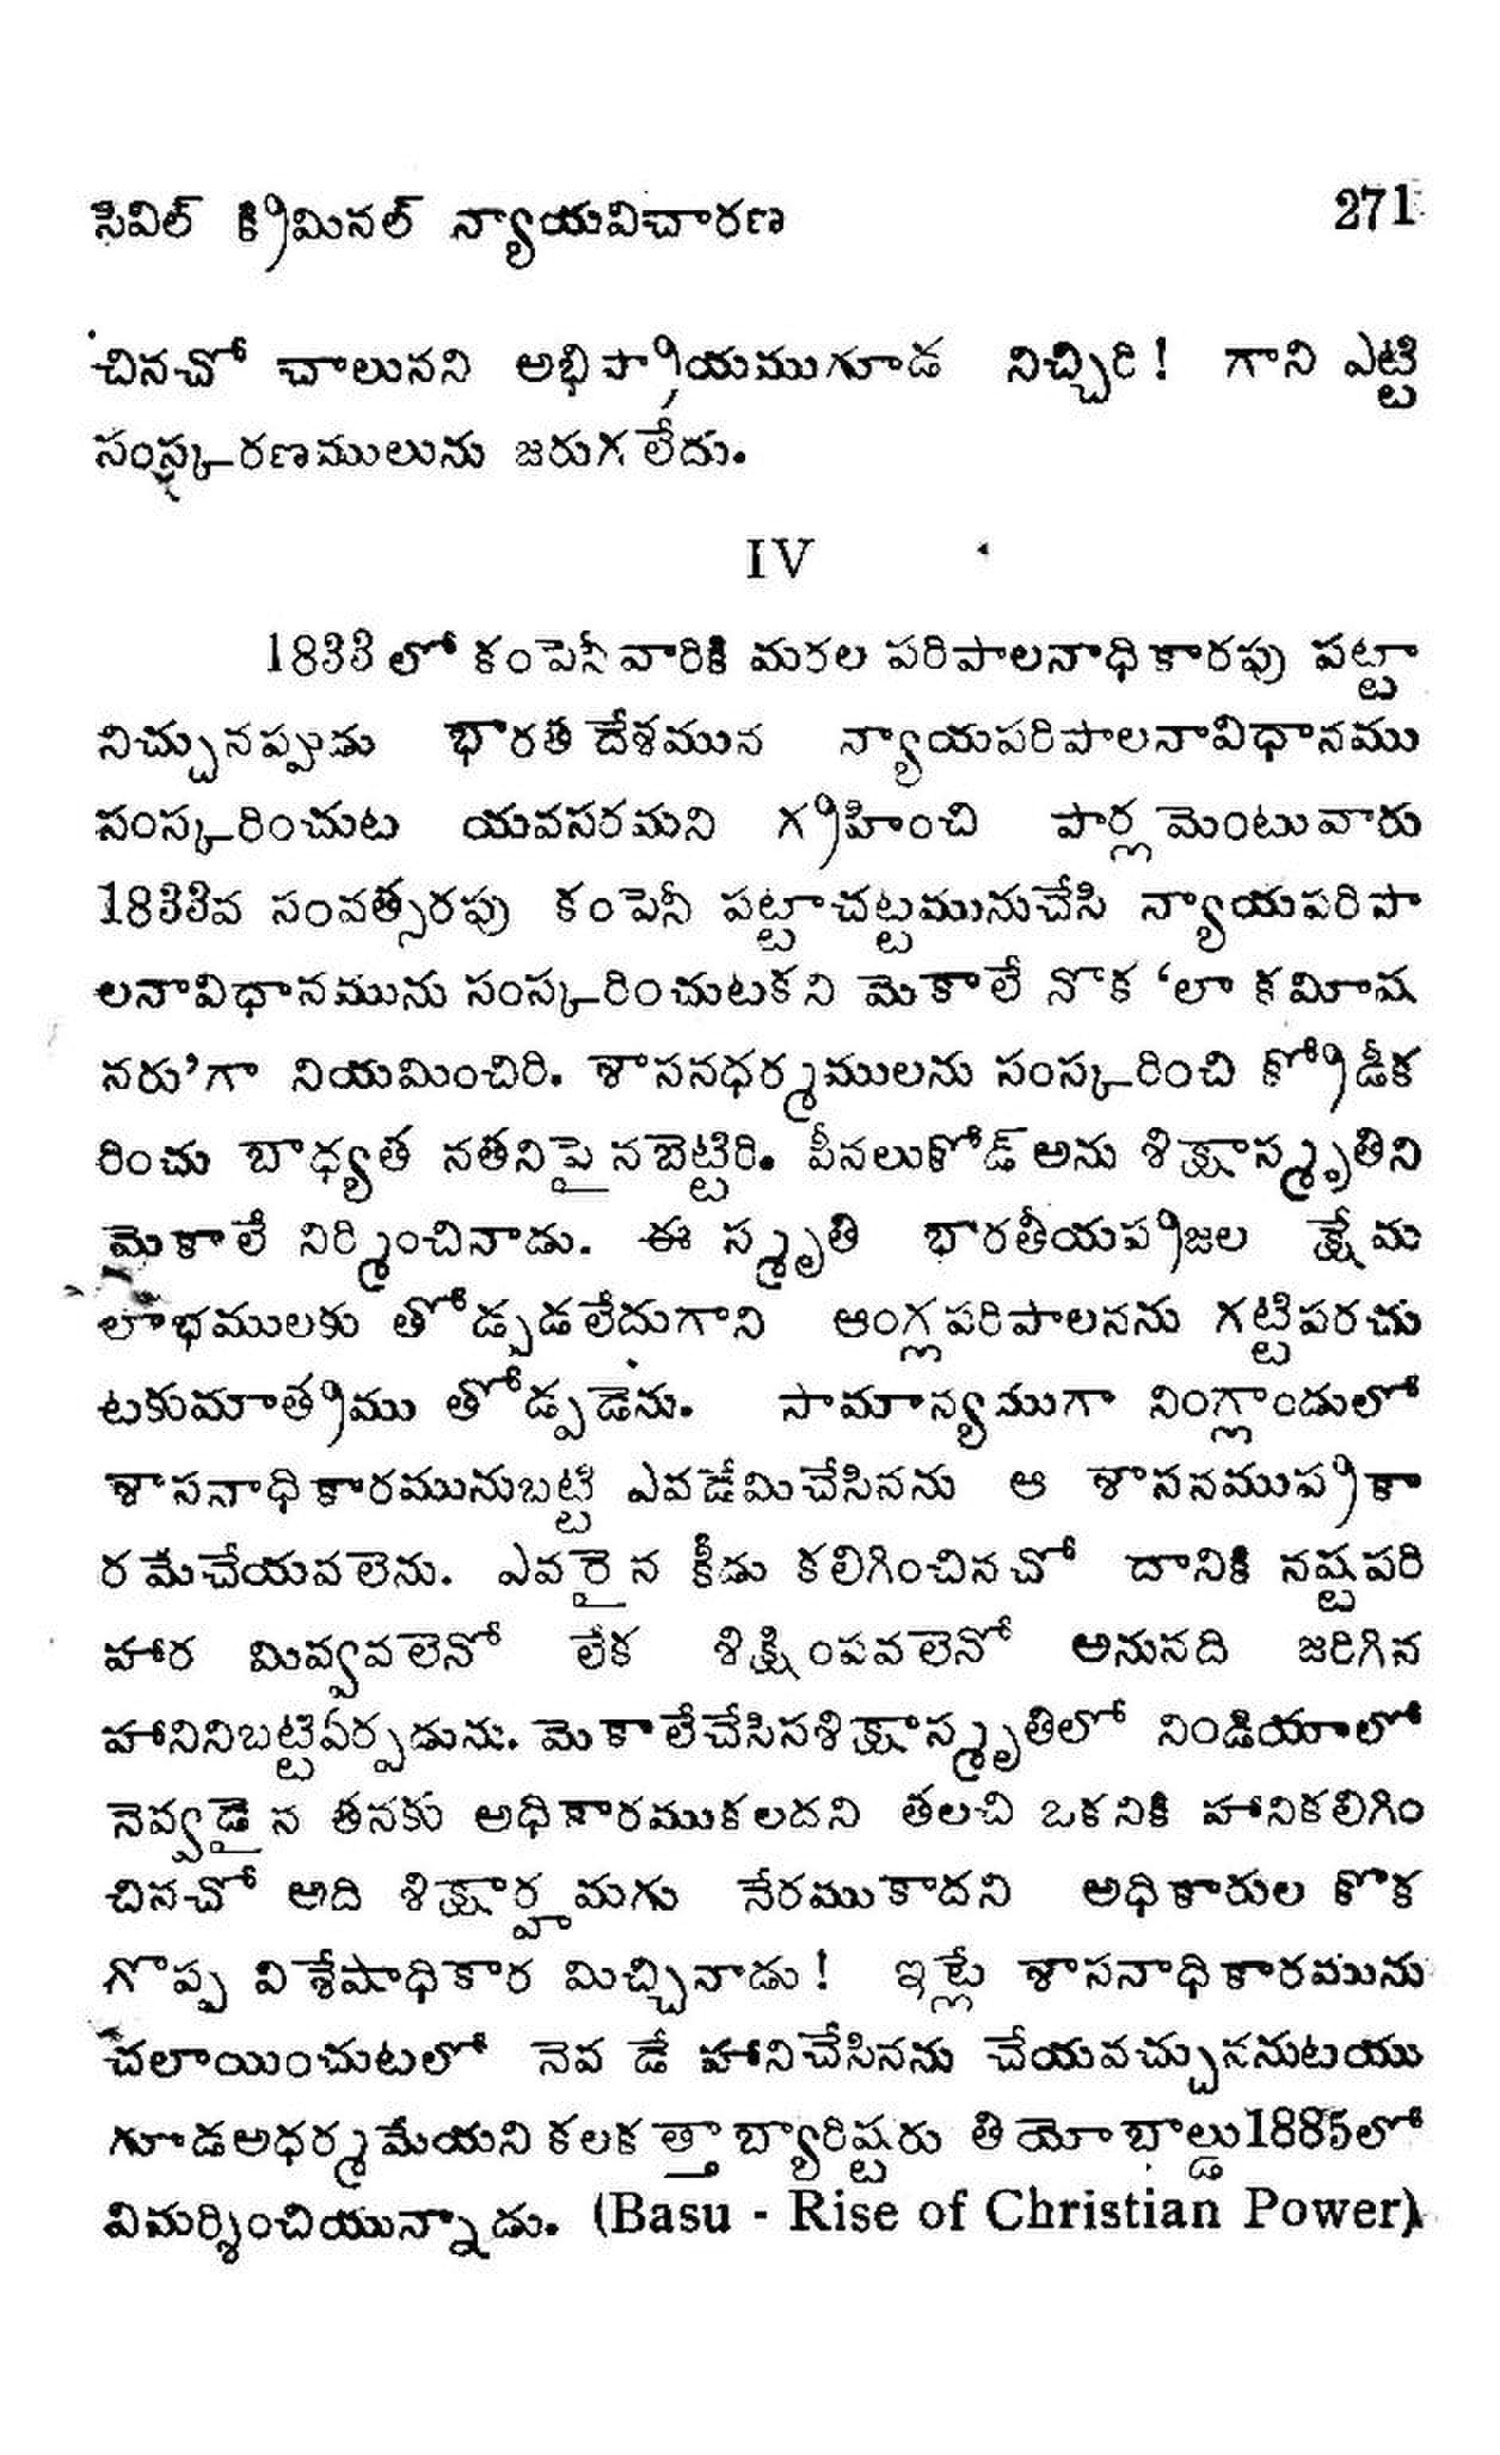చినచో చాలునని అభిప్రాయముగూడ నిచ్చిరి ! గాని ఎట్టి సంస్కరణములును జరుగలేదు.

IV 

1833లో కంపెనీవారికి మరల పరిపాలనాధికారపు పట్టా నిచ్చునప్పుడు భారతదేశమున న్యాయపరిపాలనా విధానము సంస్కరించుట యవసరమని గ్రహించి పార్లమెంటువారు 1833వ సంవత్సరపు కంపెనీ పట్టాచట్టమునుచేసి న్యాయపరిపాలనావిధానమును సంస్కరించుటకని మెకాలే నొక 'లా కమిషనరు'గా నియమించిరి. శాసనధర్మములను సంస్కరించి క్రోడీకరించు బాధ్యత నతనిపైనబెట్టిరి. పీనలుకోడ్ అను శిక్షాస్మృతిని మెకాలే నిర్మించినాడు. ఈ స్మృతి భారతీయప్రజల క్షేమ లాభములకు తోడ్పడలేదుగాని ఆంగ్లపరిపాలనను గట్టిపరచుటకుమాత్రము తోడ్పడెను. సామాన్యముగా నింగ్లాండులో శాసనాధికారమునుబట్టి ఎవడేమిచేసినను ఆ శాసనముప్రకారమే చేయవలెను. ఎవరైన కీడు కలిగించినచో దానికి నష్టపరిహార మివ్వవలెనో లేక శిక్షింపవలెనో అనునది జరిగిన హానినిబట్టి ఏర్పడును. మెకాలేచేసినశిక్షాస్మృతిలో నిండియాలో నెవ్వడైన తనకు అధికారముకలదని తలచి ఒకనికి హానికలిగించినచో అది శిక్షార్హమగు నేరముకాదని అధికారుల కొక గొప్ప విశేషాధికార మిచ్చినాడు ! ఇట్లే శాసనాధికారమును చలాయించుటలో నెవ డే హానిచేసినను చేయవచ్చుననుటయు గూడ అధర్మమేయని కలకత్తా బ్యారిష్టరు తియోబోల్డు 1885లో విమర్శించియున్నాడు. (Basu - Rise of Christian Power)